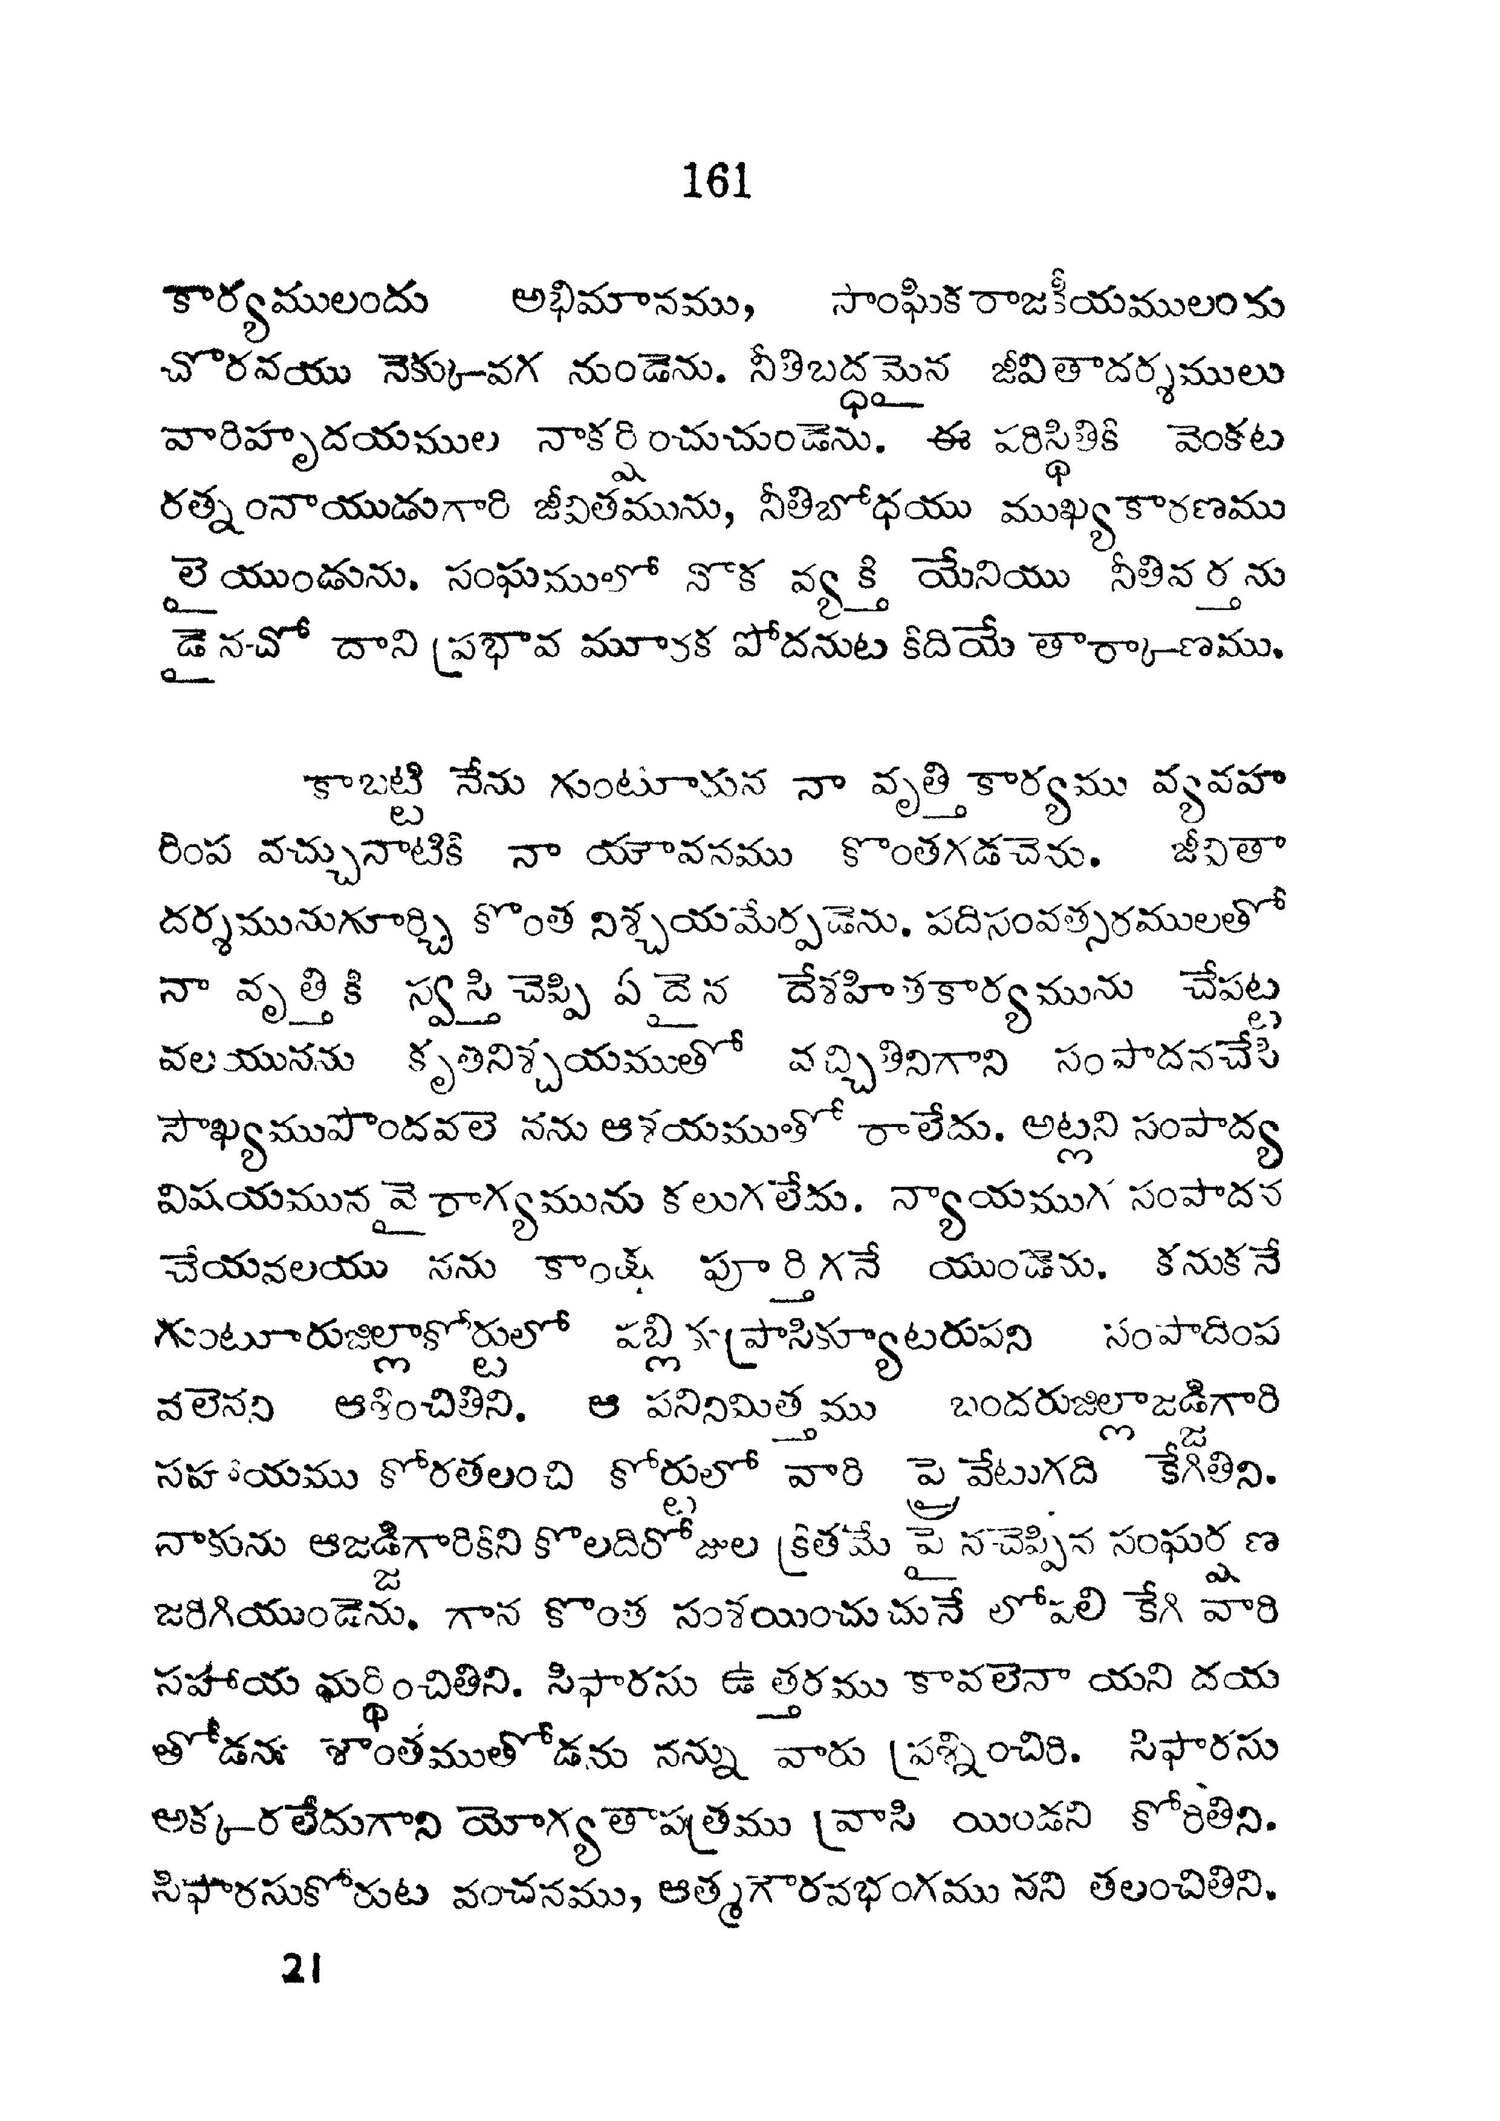కార్యములందు అభిమానము, సాంఘికరాజకీయములందు చొరవయు నెక్కువగ నుండెను. నీతిబద్ధమైన జీవితాదర్శములు వారిహృదయముల నాకర్షించుచుండెను. ఈ పరిస్థితికి వెంకటరత్నంనాయుడుగారి జీవితమును, నీతిబోధయు ముఖ్యకారణములై యుండెను. సంఘములో నొక వ్యక్తి యేనియు నీతివర్తనుడైనచో దాని ప్రభావ మూరక పోదనుట కిదియే తార్కాణము.

కాబట్టి నేను గుంటూరున నా వృత్తి కార్యము వ్యవహరింప వచ్చునాటికి నా యౌవనము కొంతగడచెను. జీవితాదర్శమునుగూర్చి కొంతనిశ్చయమేర్పడెను. పదిసంవత్సరములతో నా వృత్తికి స్వస్తిచెప్పి ఏదైన దేశహితకార్యమును చేపట్టవలయునను కృతనిశ్చయముతో వచ్చితినిగాని సంపాదనచేసి సౌఖ్యముపొందవలె నను ఆశయముతో రాలేదు. అట్లని సంపాద్య విషయమున వైరాగ్యమును కలుగలేదు. న్యాయముగ సంపాదన చేయవలయు నను కాంక్ష పూర్తిగనే యుండెను. కనుకనే గుంటూరుజిల్లాకోర్టులో పబ్లికుప్రాసిక్యూటరుపని సంపాదింపవలెనని ఆశించితిని. ఆ పనినిమిత్తము బందరుజిల్లాజడ్జిగారి సహాయము కోరతలంచి కోర్టులో వారి ప్రైవేటుగది కేగితిని. నాకును ఆజడ్జిగారికిని కొలదిరోజుల క్రితమే పైనచెప్పిన సంఘర్షణ జరిగియుండెను. గాన కొంత సంశయించుచునే లోపలి కేగి వారిసహాయ మర్థించితిని. సిఫారసు ఉత్తరము కావలెనా యని దయతోడను శాంతముతోడను నన్ను వారు ప్రశ్నించిరి. సిఫారసు అక్కరలేదుగాని యోగ్యతాపత్రము వ్రాసి యిండని కోరితిని. సిఫారసుకోరుట వంచనము, ఆత్మగౌరవభంగము నని తలంచితిని.